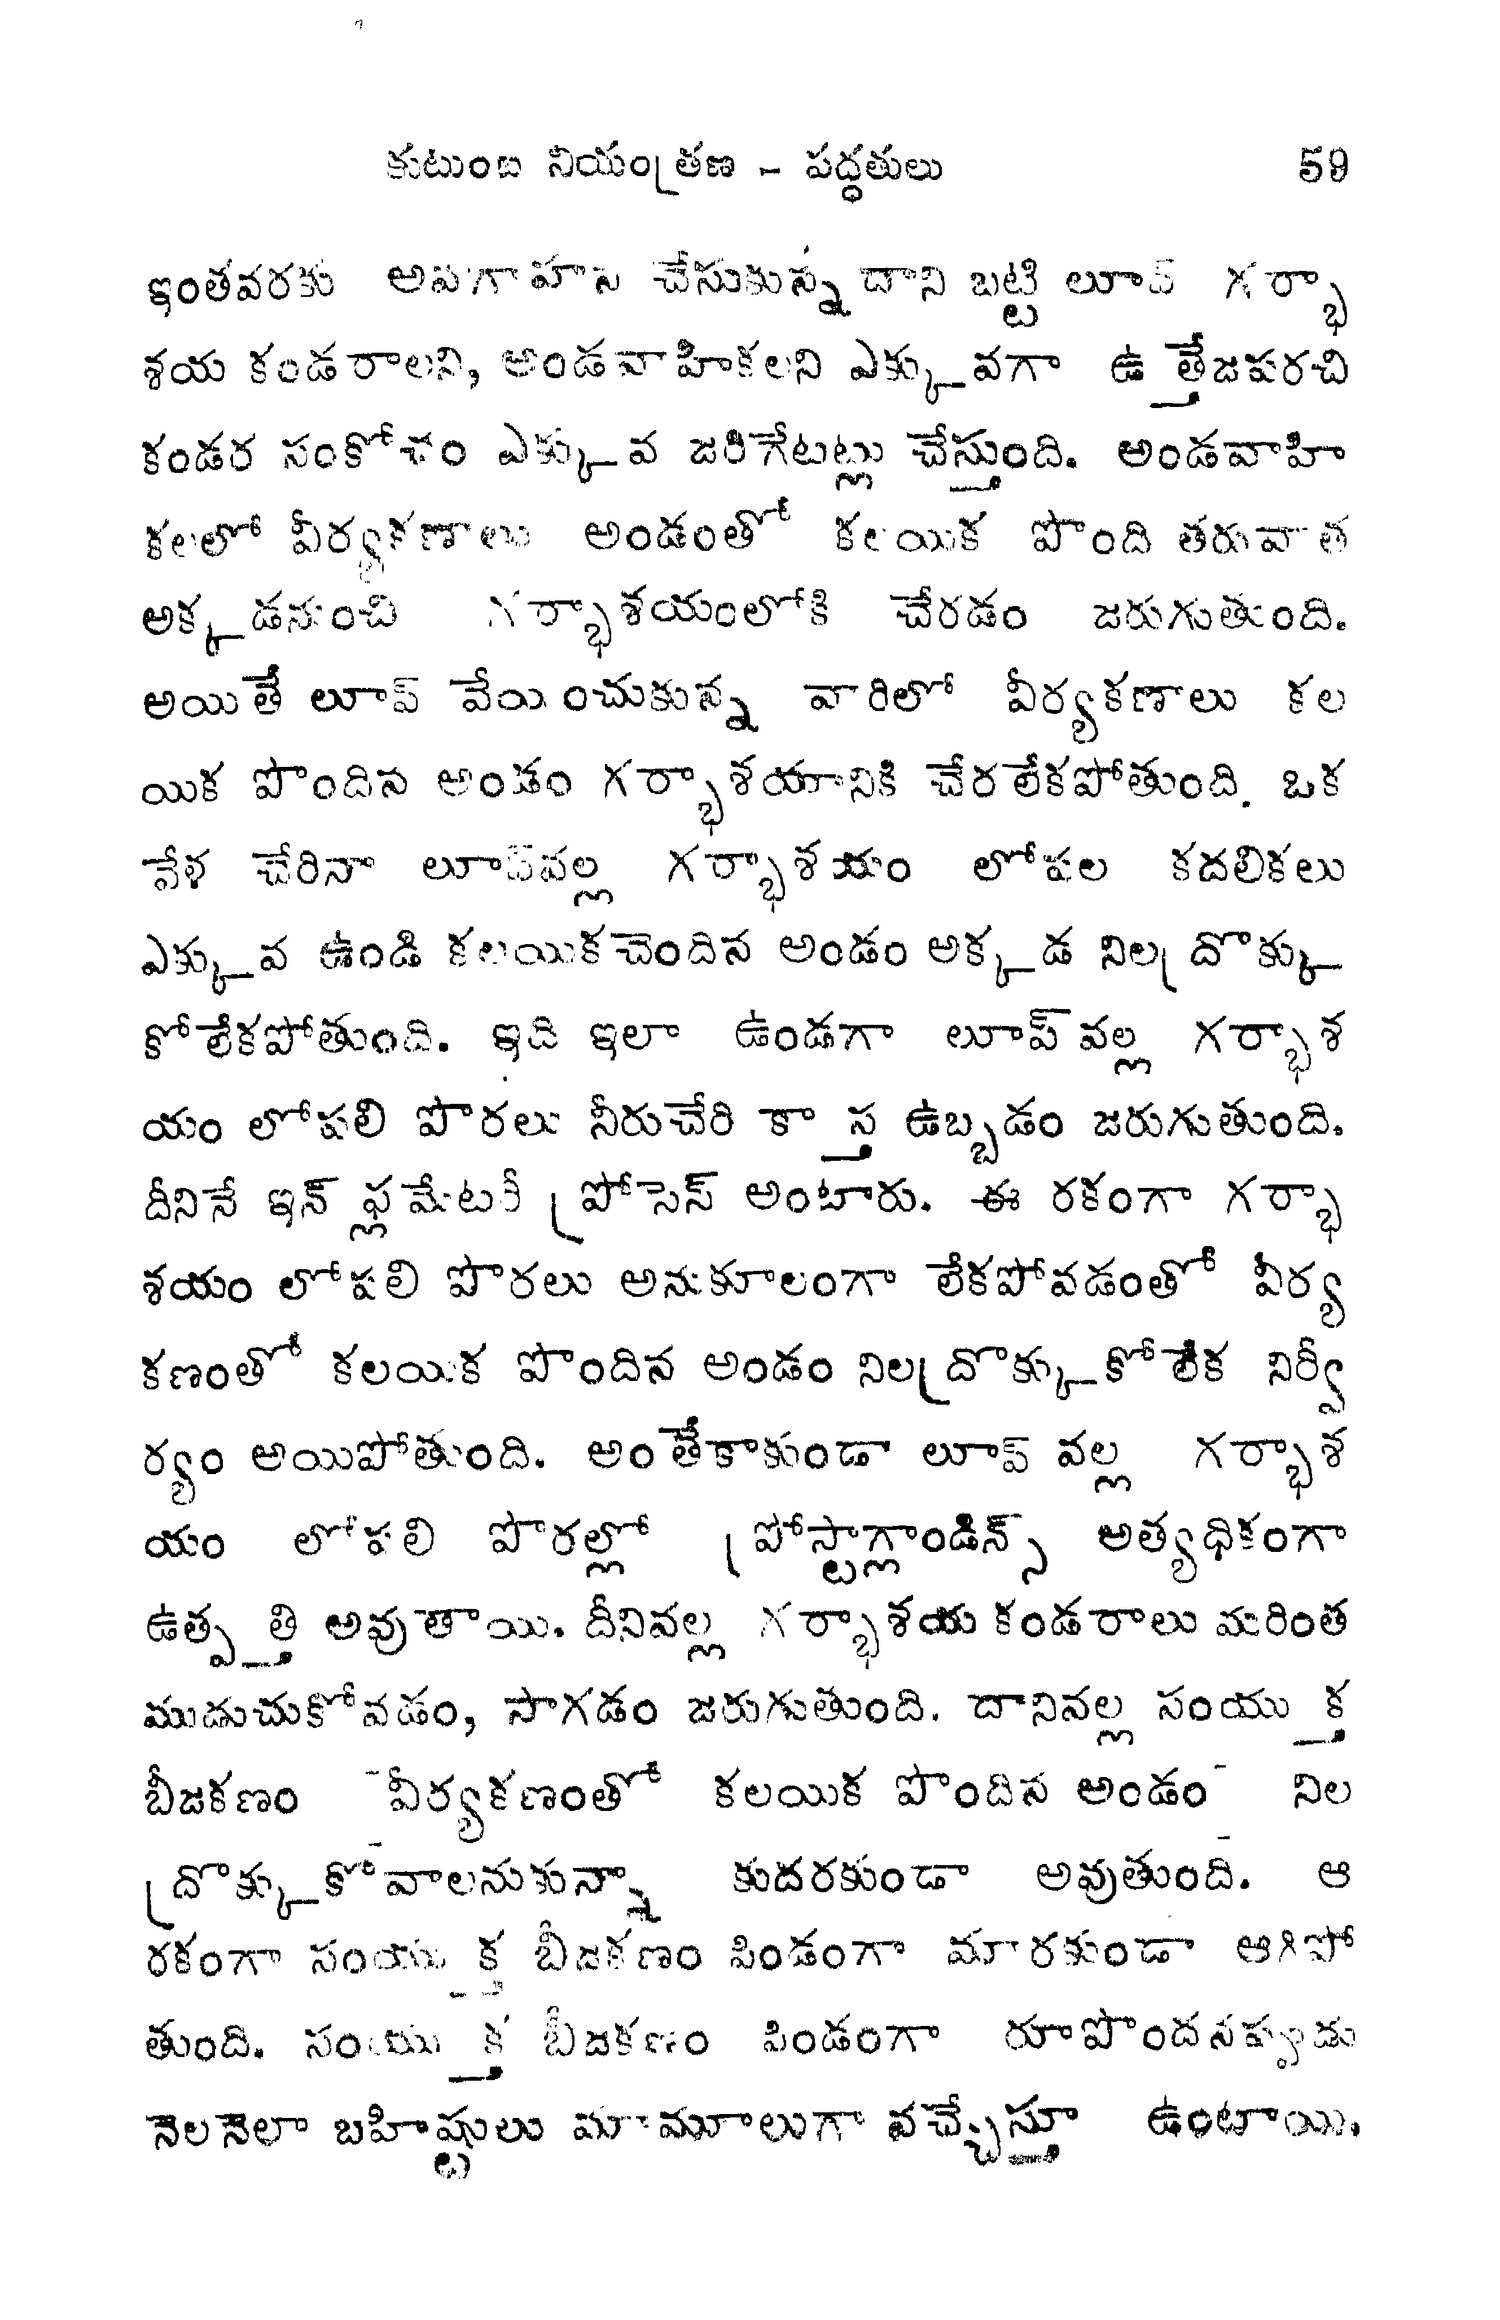ఇంతవరకు అవగాహన చేసుకున్న దాని బట్టి లూప్ గర్భాశయ కండరాలని, అండవాహికలని ఎక్కువగా ఉత్తేజపరచి కండర సంకోచం ఎక్కువ జరిగేటట్లు చేస్తుంది. అండవాహికలలో వీర్యకణాలు అండంతో కలయిక పొంది తరువాత అక్కడనుంచి గర్భాశయంలోకి చేరడం జరుగుతుంది. అయితే లూప్ వేయించుకున్న వారిలో వీర్యకణాలు కలయిక పొందిన అండం గర్బాశయానికి చేరలేకపోతుంది. ఒక వేళ చేరినా లూప్‌వల్ల గర్భాశయం లొపల కదలికలు ఎక్కువ ఉండి కలయికచెందిన అండం అక్కడ నిలద్రొక్కు కోలేకపోతుంది. ఇది ఇలా ఉండగా లూప్‌వల్ల గర్భాశయం లోపలి పొరలు నీరుచేరి కాస్త ఉబ్బడం జరుగుతుంది. దీనినే ఇన్ ఫ్లమేటరీ ప్రోసెస్ అంటారు. ఈ రకంగా గర్భాశయం లోపలి పొరలు అనుకూలంగా లేకపొవడంతో వీర్యకణంతో కలయిక పొందిన అండం నిలద్రొక్కుకోలేక నిర్వీర్యం అయిపోతుంది. అంతేకాకుండా లూప్ వల్ల గర్భాశయం లోపలి పొరల్లో ప్రోస్టాగ్లాండిన్స్ అత్యధికంగా ఉత్పత్తి అవుతాయి. దీనివల్ల గర్భాశయ కండరాలు మరింత ముడుచుకోవడం, సాగడం జరుగుతుంది. దానివల్ల సంయుక్త బీజకణం వీర్యకణంతో కలయిక పొందిన అండం నిలద్రొక్కుకోవాలనుకున్నా కుదరకుండా అవుతుంది. ఆ రకంగా సంయుక్త బీజకణం పిండంగా మారకుండా ఆగిపోతుంది. సంయుక్త బీజకణం పిండంగా రూపొందనప్పుడు నెలనెలా బహిష్టులు మామూలుగా వచ్చేస్తూ ఉంటాయి.